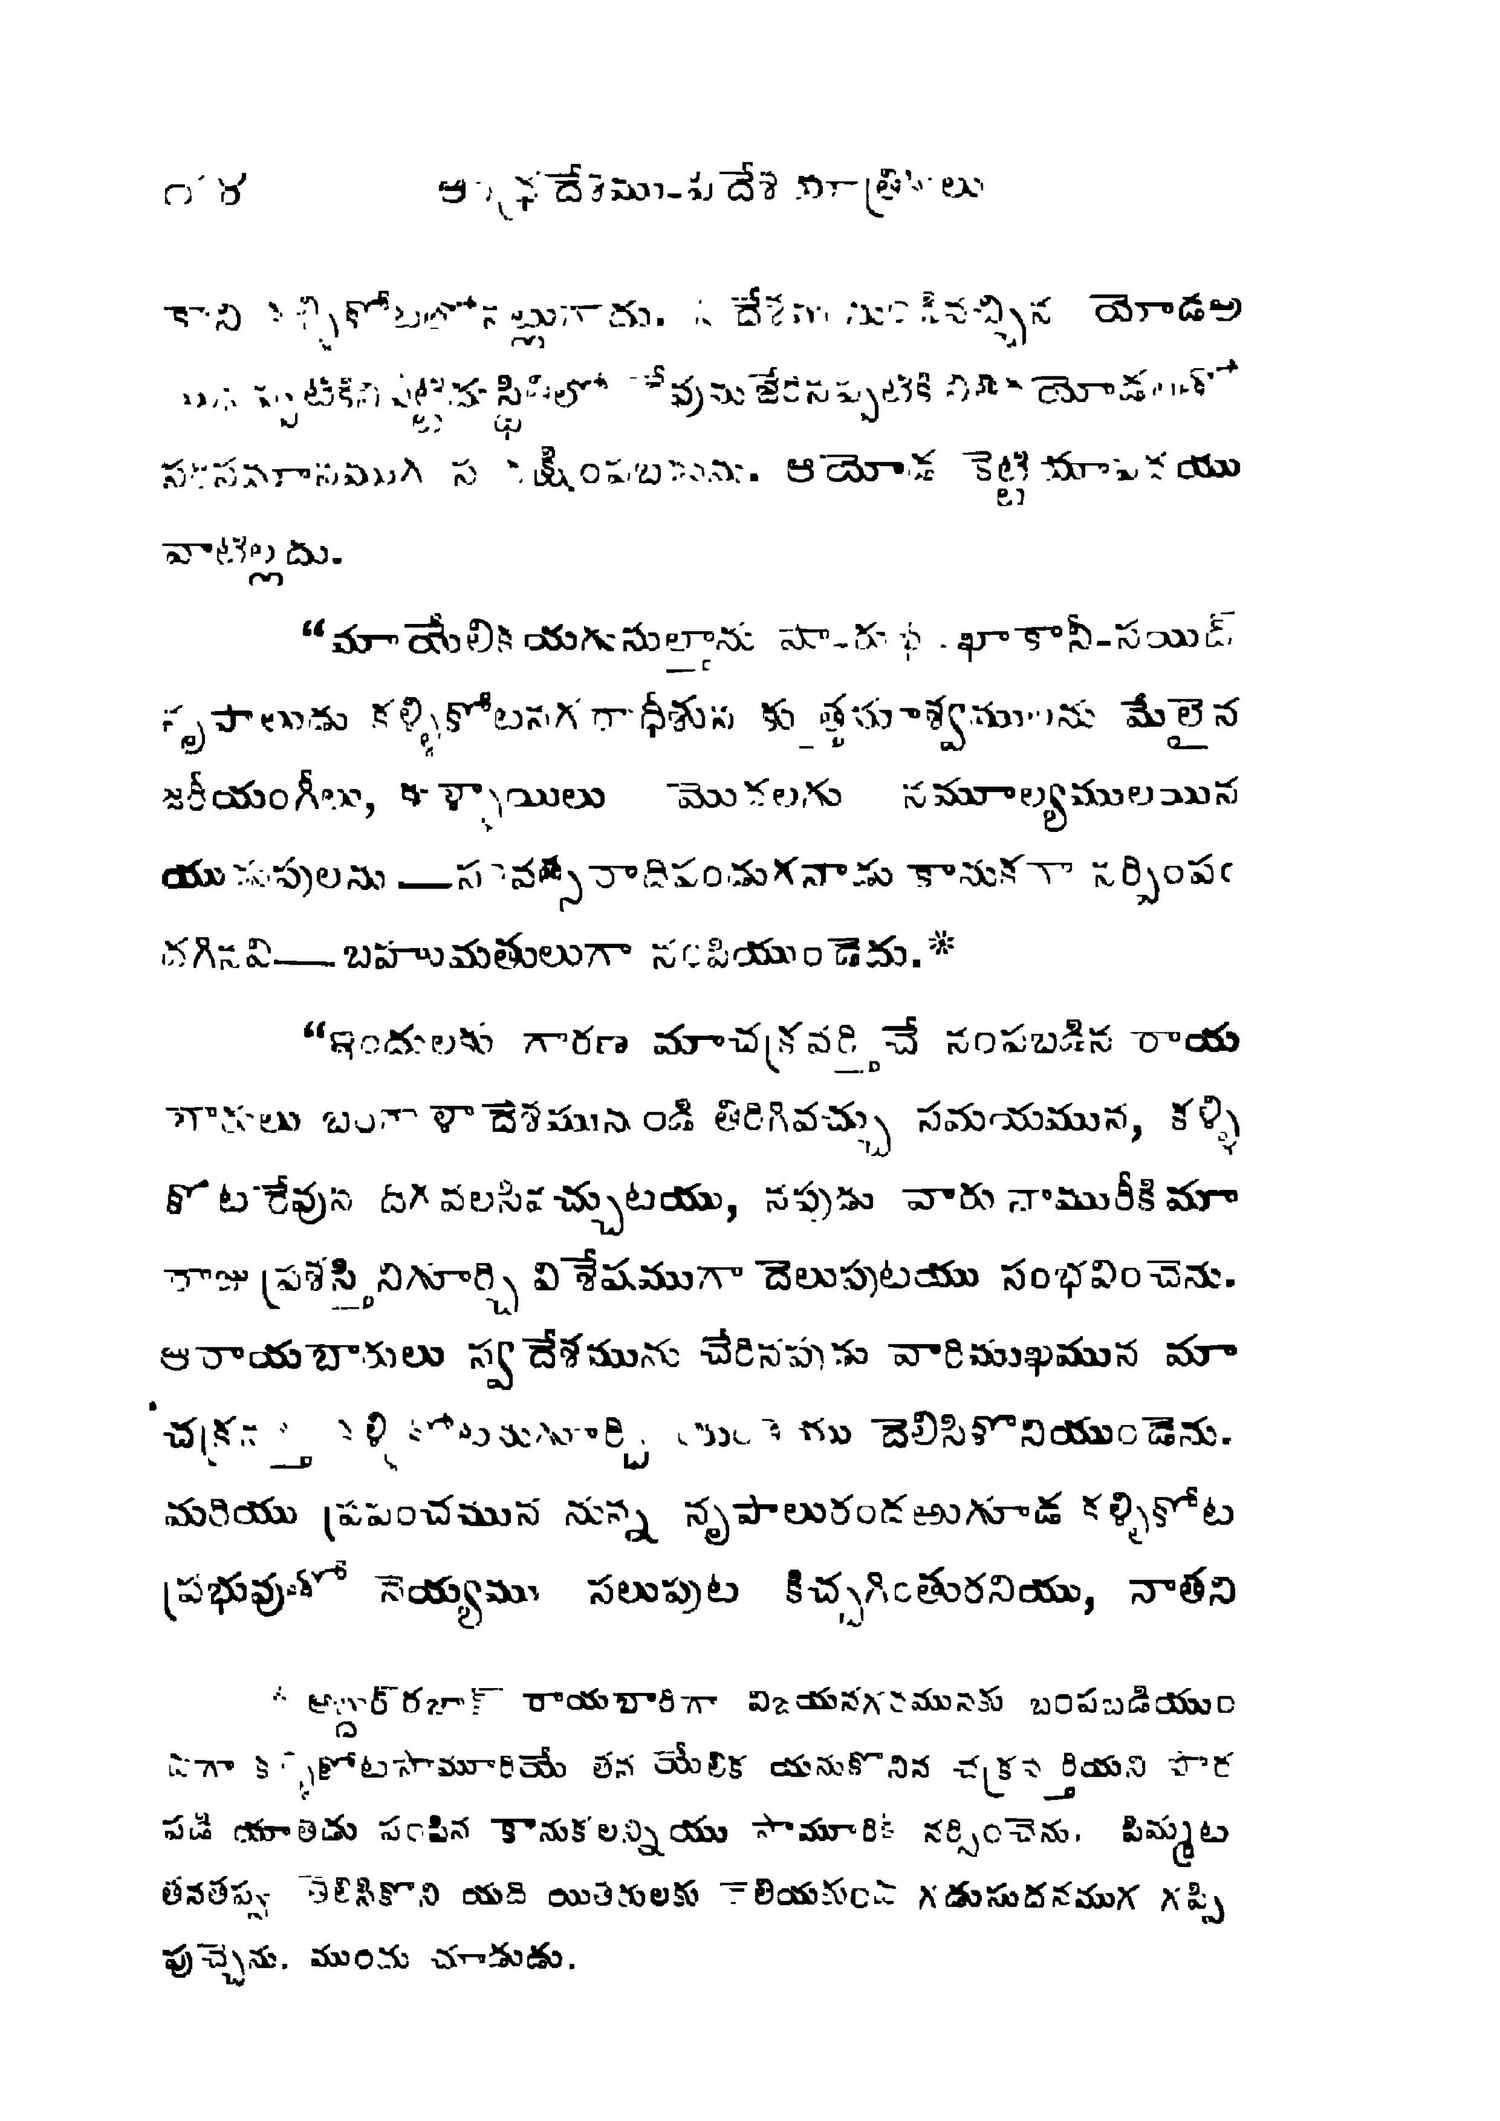కాని కళ్ళికోటలోనట్లుగాదు. విదేశమునుండి వచ్చిన యోడ అయినప్పటికిని ఎట్టిదుస్థితిలో రేవును జేరినప్పటికి నితర యోడలతో సరిసమానముగ సంరక్షింపబడును. ఆయోడ కెట్టియాపదము వాటిల్లదు.

"మాయేలిక యగుసుల్తాను షా-రుఫీ-ఖాకానీ-సయిద్ నృపాలుడు కళ్ళికోట నగరాధీశున కుత్తమాశ్వములను మేలైన జరీయంగీలు, కుళ్ళాయిలు మొదలగు నమూల్యములయిన యుడుపులను - సంవత్సరాది పండుగనాడు కానుకగా నర్పింప దగినవి - బహుమతులుగా నంపియుండెదు.

"ఇందులకు గారణ మాచక్రవర్తిచే నంపబడిన రాయబారులు బంగాళాదేశము నుండి తిరిగివచ్చు సమయమున, కళ్ళికోటరేవున దిగవలసి వచ్చుటయు, నపుడు వారు నామురీకి మారాజు ప్రశస్తినిగూర్చి విశేషముగా దెలుపుటయు సంభవించెను. ఆరాయబారులు స్వదేశమును చేరినపుడు వారి ముఖమున మా చక్రవర్తి కళ్ళికోటను గూర్చి యంతయు దెలిసికొని యుండెను. మరియు ప్రపంచమున నున్న నృపాలురందఱుగూడ కళ్ళికోట ప్రభువుతో నెయ్యము సలుపుట కిచ్చగింతురనియు, నాతని